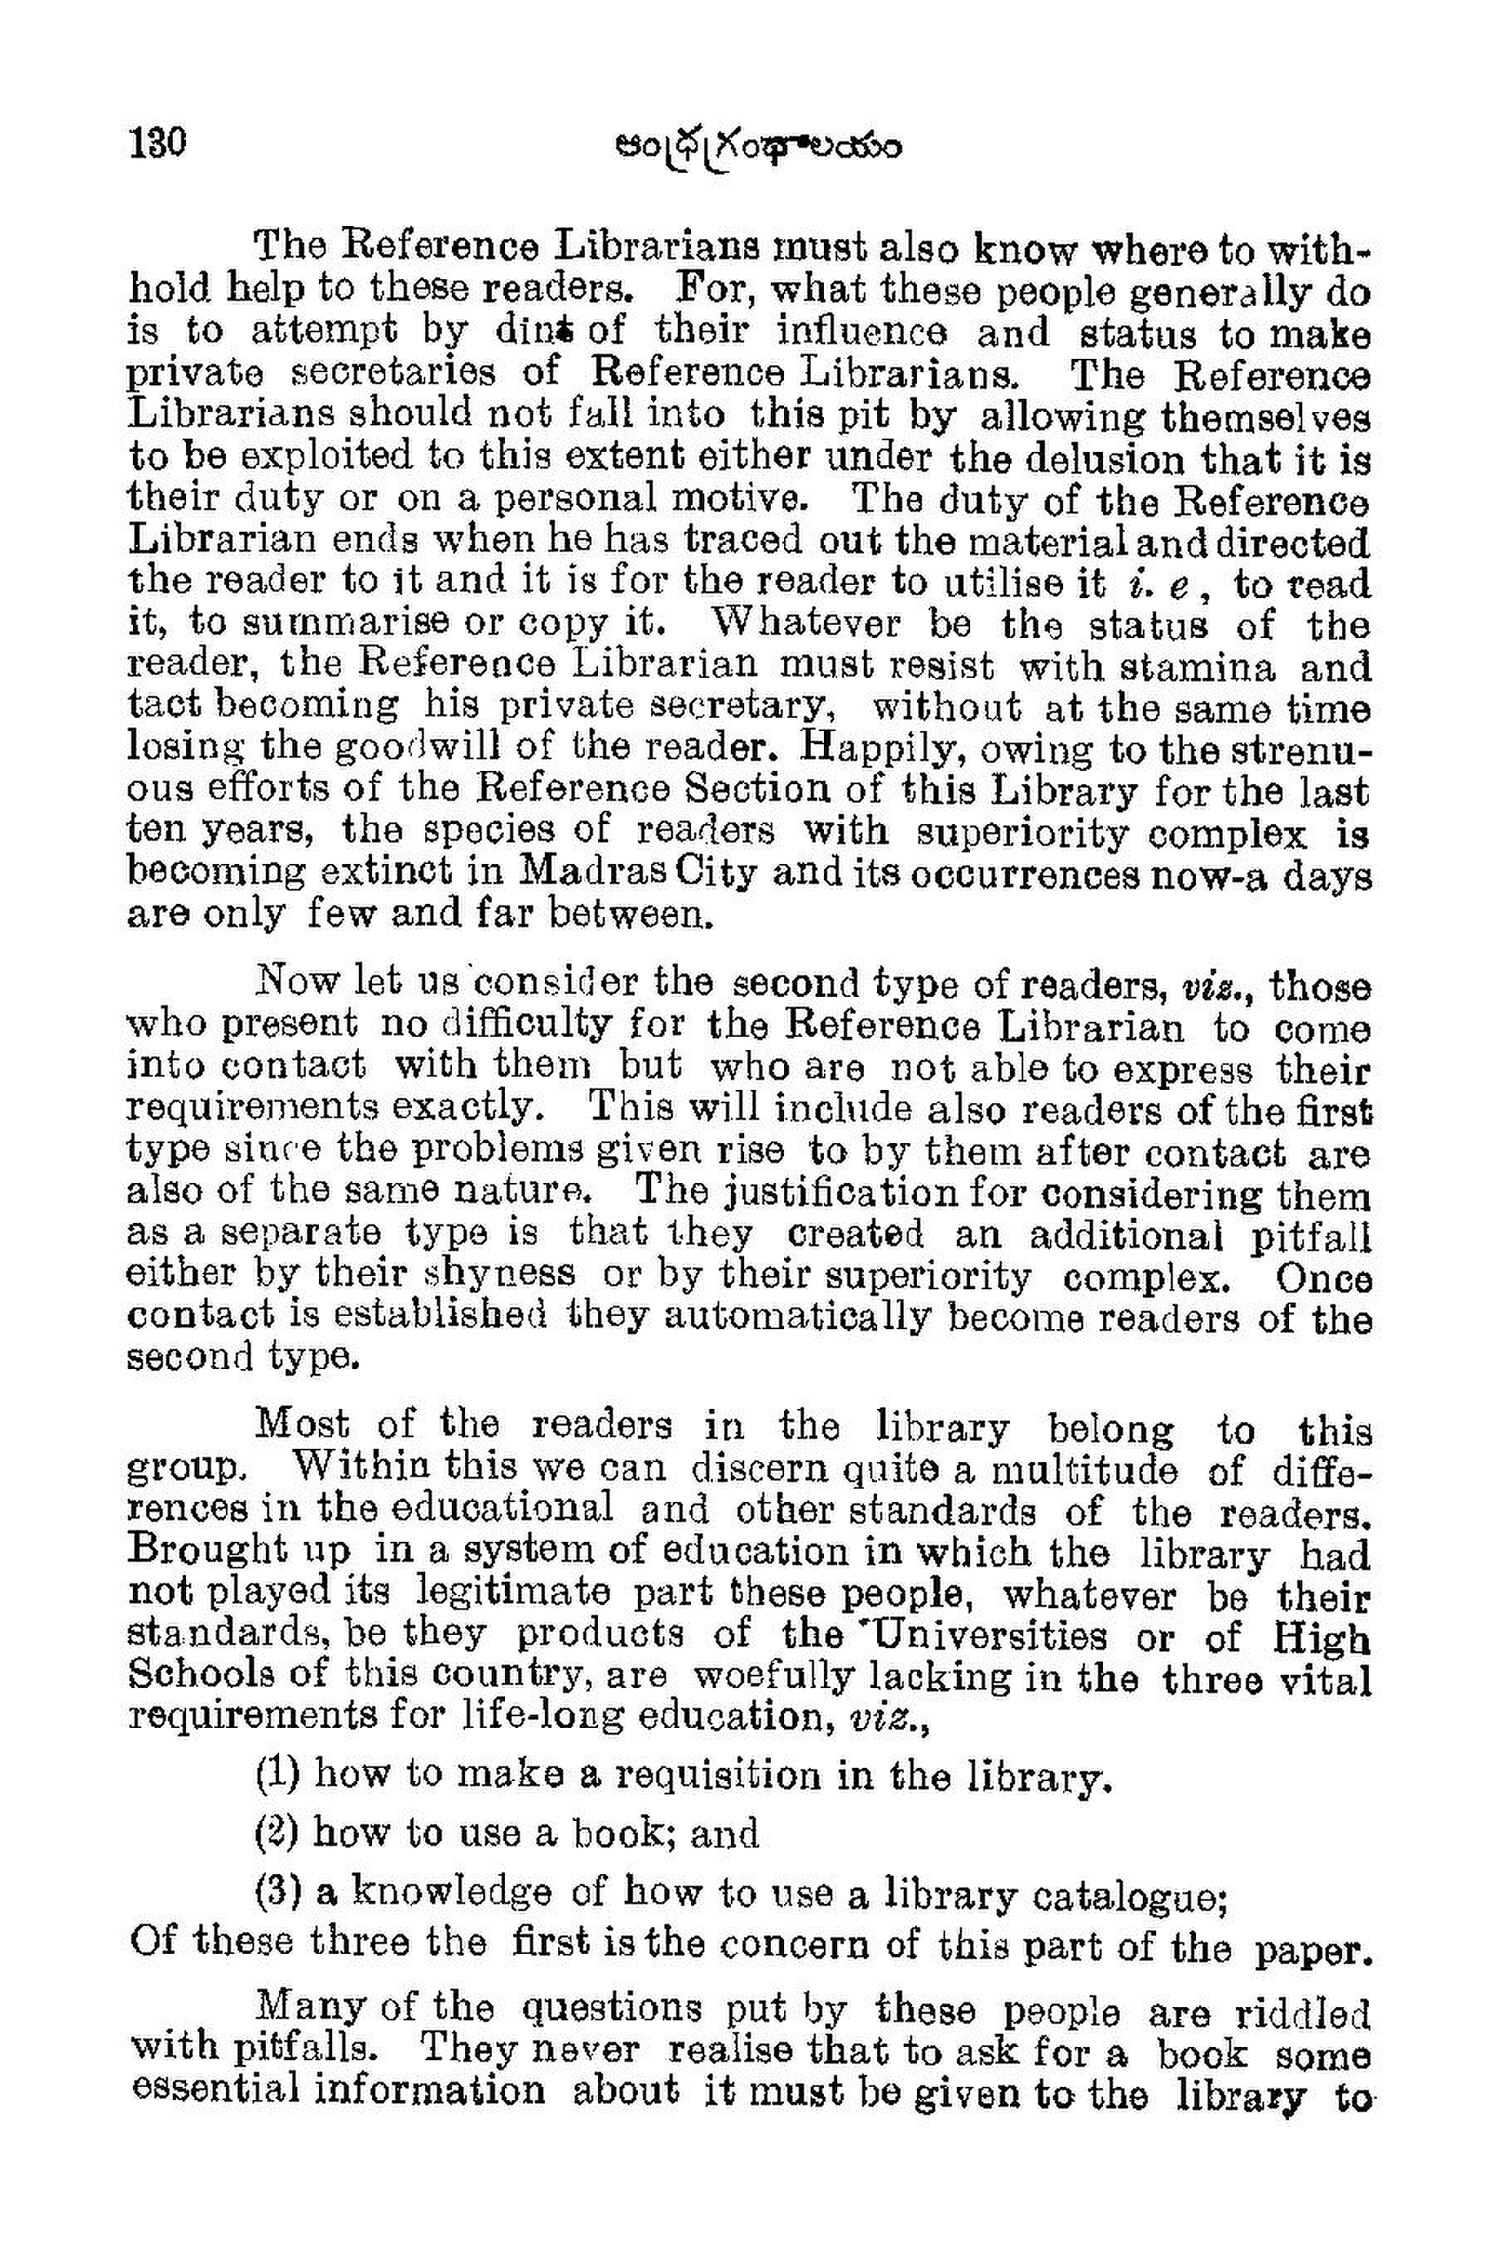The Reference Librarians must also know where to withhold help to these readers. For, what these people 
generally do is to attempt by dint of their influence and status to make private secretaries of Reference Librarians. The Reference Librarians should not fall into this pit by allowing themselves to be exploited 
to this extent either under the delusion that it is their duty or on a personal motive. The duty of the 
Reference Librarian ends when he has traced out the material and directed the reader to it and it is for 
the reader to utilize it i. e, to read it, to summaries or copy it. Whatever be the status of the reader, 
the Reference Librarian must resist with stamina and tact becoming his private secretary, without at the 
same time losing the goodwill of the reader. Happily, owing to the strenuous efforts of the Reference 
Section of this Library for the last ten years, the species of readers with superiority complex is
becoming extinct in Madras City and its occurrences now-a days are only few and far between.

Now let us consider the second type of readers, viz., those who present no difficulty for the Reference 
Librarian to come into contact with them but who are not able to express their requirements exactly. 
This will include also readers of the first type since the problems given rise to by them after contact are
also of the same nature. The justification for considering them as a separate type is that they created an additional pitfall either by their shyness or by their superiority complex. Once contact is established they automatically become readers of the second type.

Most of the readers in the library belong to this group. Within this we can discern quite a multitude of 
differences in the educational and other standards of the readers. Brought up in a system of education in 
which the library had not played its legitimate part these people, whatever be their standards, be they 
products of the Universities or of High Schools of this country, are woefully lacking in the three vital
requirements for life-long education, viz.,

(1) how to make a requisition in the library.

(2) how to use a book; and

(3) a knowledge of how to use a library catalogue;

Of these three the first is the concern of this part of the paper. 

Many of the questions put by these people are riddled with pitfalls. They never realize that to ask for 
a book some essential information about it must be given to the library to